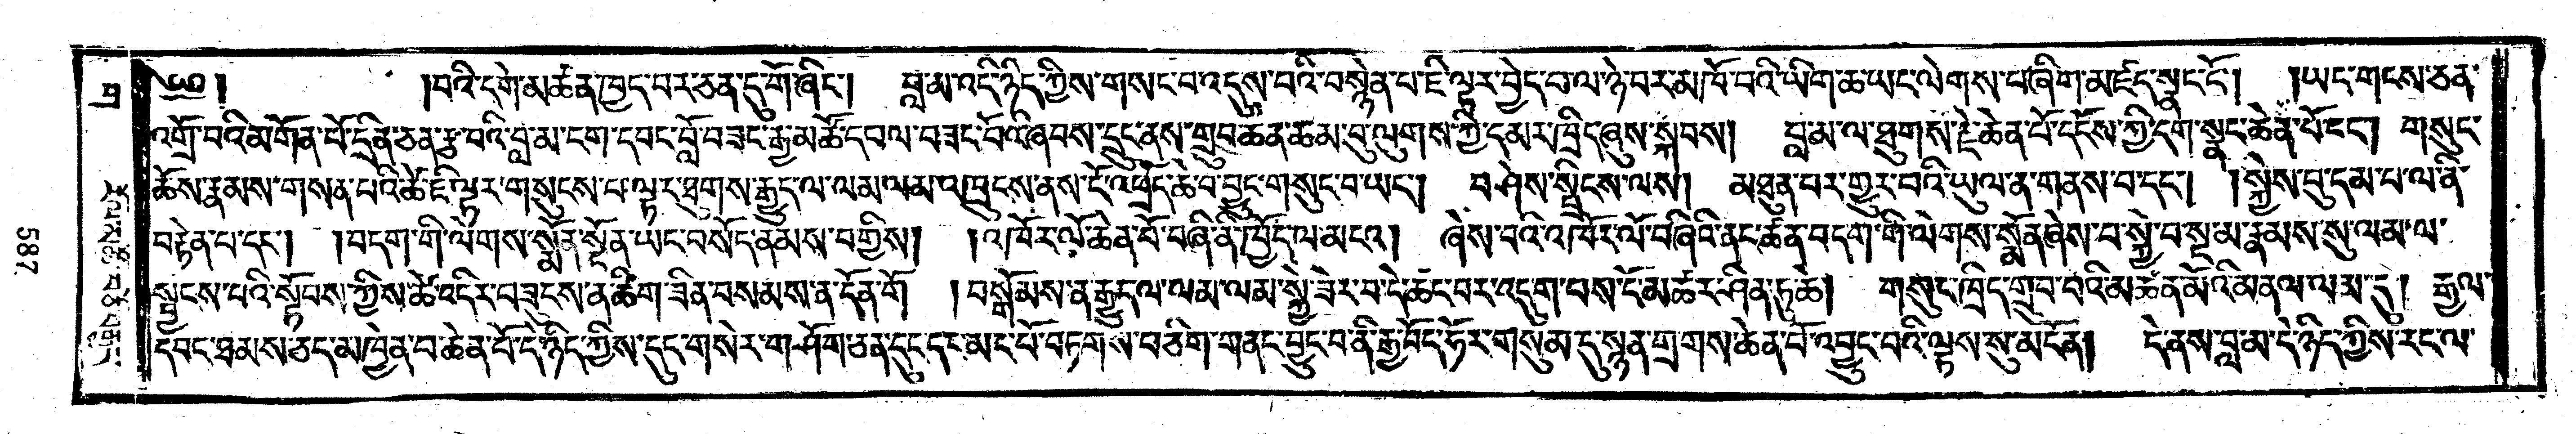༄༅། །བའི་དགེ་མཚན་ཁྱད་པར་ཅན་དུ་གོ་ཞིང་། བླ་མ་འདི་ཉིད་ཀྱིས་གསང་བ་འདུས་བའི་བསྙེན་པ་ཇི་ལྟར་བྱེད་པ་ལ་ཉེ་བར་མཁོ་བའི་ཡིག་ཆ་ཡང་ལེགས་པ་ཞིག་མཛད་སྣང་ངོ། །ཡང་གངས་ཅན་
འགྲོ་བའི་མགོན་པོ་དྲིན་ཅན་རྩ་བའི་བླ་མ་ངག་དབང་བློ་བཟང་རྒྱ་མཚོ་དབལ་བཟང་བོའི་ཞབས་དྲུང་ནས་གྲུབ་ཆེན་ཆམ་བུ་ལུགས་ཀྱི་དམར་ཁྲིད་ཞུས་སྐབས། བླ་མ་ལ་ཐུགས་རྗེ་ཆེན་པོ་དངོས་ཀྱི་དག་སྣང་ཆེན་པོ་ངང་། གསུང་
ཆོས་རྣམས་གསན་པའི་ཚེ་ཇི་ལྟར་གསུངས་པ་ལྟར་ཐུགས་རྒྱུད་ལ་ལམ་ལམ་འཁྲུངས་ནས་ངོ་འཕྲོད་ཆེ་བ་བྱུང་གསུང་བ་ཡང་། བཤེས་སྦྲིངས་ལས། མཐུན་པར་གྱུར་བའི་ཡུལ་ན་གནས་པ་དང་། །སྐྱེས་བུ་དམ་པ་ལ་ནི་
བརྟེན་པ་དང་། །བདག་གི་ལེགས་སྨོན་སྔོན་ཡང་བསོད་ནམས་བགྱིས། །འཁོར་ལོ་ཆེན་པོ་བཞི་ནི་ཁྱོད་ལ་མངའ། ཞེས་པའི་འཁོར་ལོ་བཞིའི་ནང་ཚན་བདག་གི་ལེགས་སྨོན་ཞེས་པ་སྐྱེ་བ་སྔ་མ་རྣམས་སུ་ལམ་ལ་
སྦྱངས་པའི་སྟོབས་ཀྱིས་ཚེ་འདིར་བཟུངས་ན་ཚིག་ཟིན་བསམས་ན་དོན་གོ །བསྒོམས་ན་རྒྱུད་ལ་ལམ་ལམ་སྐྱེ་ཟེར་བ་དེ་ཚང་བར་འདུག་པས་ངོ་མཚར་ཤིན་ཏུ་ཆེ། གསུང་ཁྲིད་གྲུབ་པའི་མཚན་མོའི་མནལ་ལམ་དུ། རྒྱལ་
དབང་ཐམས་ཅད་མཁྱེན་པ་ཆེན་བོ་དེ་ཉིད་ཀྱིས་དུང་གསེར་གཤོག་ཅན་དུང་དང་མང་པོ་བཏགས་བཅིག་གནང་བྱུང་བ་ནི་རྒྱ་བོད་ཧོར་གསུམ་དུ་སྙན་གྲགས་ཆེན་པོ་འབྱུང་བའི་ལྟས་སུ་མངོན། དེ་ནས་བླ་མ་དེ་ཉིད་ཀྱིས་རང་ལ་